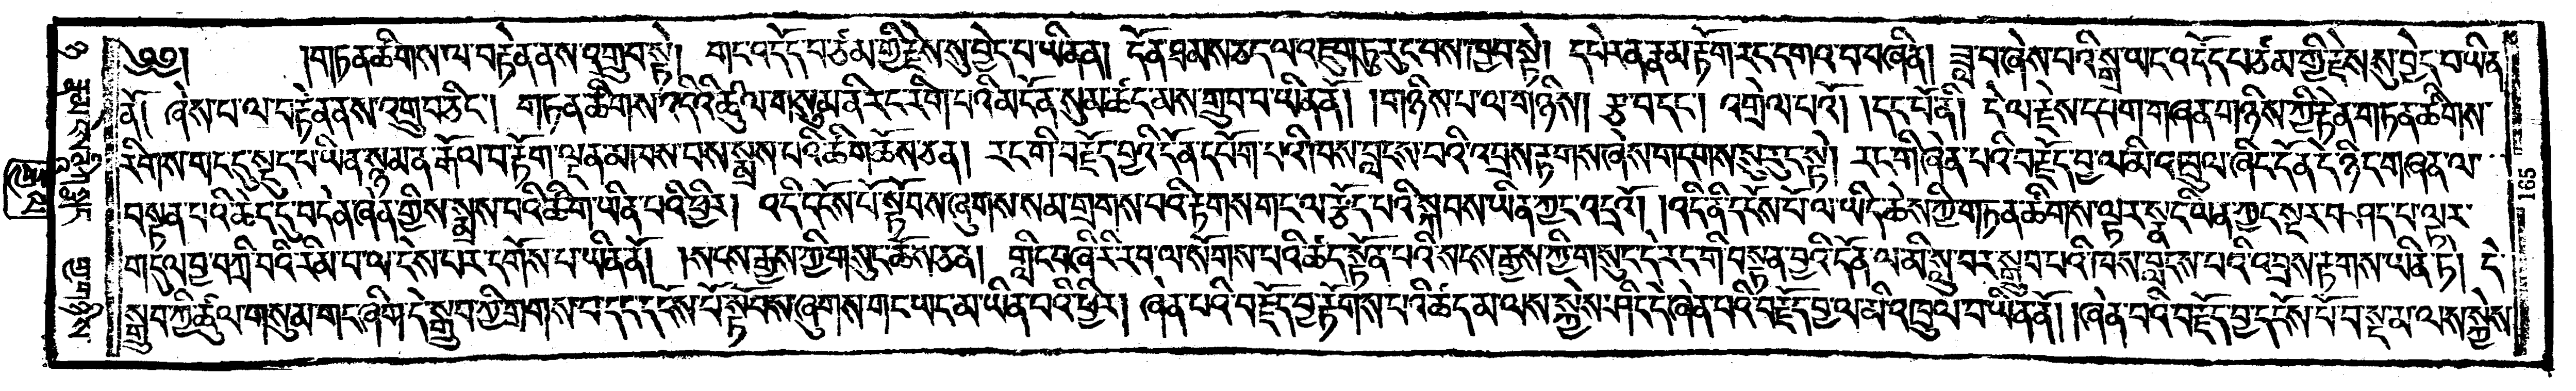༄༅། །གཏན་ཚིགས་ལ་བརྟེན་ནས་འགྲུབ་སྟེ། གང་འདོད་བ་ཙམ་གྱི་རྗེས་སུ་བྱེད་པ་ཡིན་ན། དོན་ཐམས་ཅད་ལ་འཇུག་ཏུ་རུང་བས་ཁྱབ་སྟེ། དཔེར་ན་རྣམ་རྟོག་རང་དགའ་བ་བཞིན། ཟླ་བ་ཞེས་པའི་སྒྲ་ཡང་འདོད་པ་ཙམ་གྱི་རྗེས་སུ་བྱེད་བ་ཡིན་
ནོ༑ ཞེས་པ་ལ་བརྟེན་ནས་འགྲུབ་ཅིང་། གཏནྪིགས་འདིའི་ཚུལ་གསུམ་ནི་རང་རིག་པའི་མངོན་སུམ་ཚད་མས་གྲུབ་བ་ཡིན་ནོ། །གཉིས་པ་ལ་གཉིས། རྩ་བ་དང་། འབྲེལ་པའོ། །དང་པོ་ནི། དེ་ལ་རྗེས་དཔག་གཞན་གཉིས་ཀྱི་རྟེན་གཏན་ཚིགས་
རིགས་གང་དུ་སྡུད་པ་ཡིན་སྙམ་ན་རྒོལ་བ་རྟོག་ལྡན་མཁས་བས་སྨྲས་པའི་ཚིག་ཆོས་ཅན། རང་གི་བརྗོད་བྱའི་དོན་དཔོག་པའི་ཁས་བླངས་པའི་འབྲས་རྟགས་ཞེས་གདགས་སུ་རུང་སྟེ། རང་གི་ཞེན་པའི་བརྗོད་བྱ་ལ་མི་འཁྲུལ་ཞིང་དོན་དེ་ཉིད་གཞན་ལ་
བསྟན་པའི་ཆེད་དུ་བདེན་ཞེན་གྱིས་སྨྲས་པའི་ཚིག་ཡིན་པའི་ཕྱིར། འདི་དངོས་པོ་སྟོབས་ཞུགས་སམ་གྲགས་བའི་རྟགས་གང་ལ་རྩོད་པའི་སྐབས་ཡིན་ཀྱང་འདྲའོ། །འདི་ནི་དངོས་པོ་ལ་ཡིད་ཆེས་ཀྱི་གཏན་ཚིགས་ལྟར་སྣང་ཡིན་ཀྱང་སྔར་བཤད་པ་ལྟར་
གདུལ་བྱ་བཀྲི་བའི་རིམ་བ་ལ་ངེས་པར་དགོས་པ་ཡིན་ནོ། །སངས་རྒྱས་ཀྱི་གསུང་ཆོས་ཅན། གླིང་བཞི་རི་རབ་ལ་སོགས་པའི་ཚད་སྟོན་པའི་སངས་རྒྱས་ཀྱི་གསུང་དེ་རང་གི་བསྟན་བྱའི་དོན་ལ་མི་སླུ་བར་སྒྲུབ་པའི་ཁས་བླངས་པའི་འབྲས་རྟགས་ཡིན་ཏེ། དེ་
སྒྲུབ་ཀྱི་ཚུལ་གསུམ་གང་ཞིག་དེ་སྒྲུབ་ཀྱི་གྲགས་བ་དང་དངོས་པོ་སྟོབས་ཞུགས་གང་ཡང་མ་ཡིན་བའི་ཕྱིར། ཞེན་པའི་བརྗོད་བྱ་རྟོགས་པའི་ཚད་མ་ལས་སྐྱེས་ཤིང་དེ་ཞེན་པའི་བརྗོད་བྱ་ལ་མི་འཁྲུལ་བ་ཡིན་ནོ། །ཞེན་པའི་བརྗོད་བྱ་དངོས་པོ་བ་སྔ་མ་ལས་སྐྱེས་